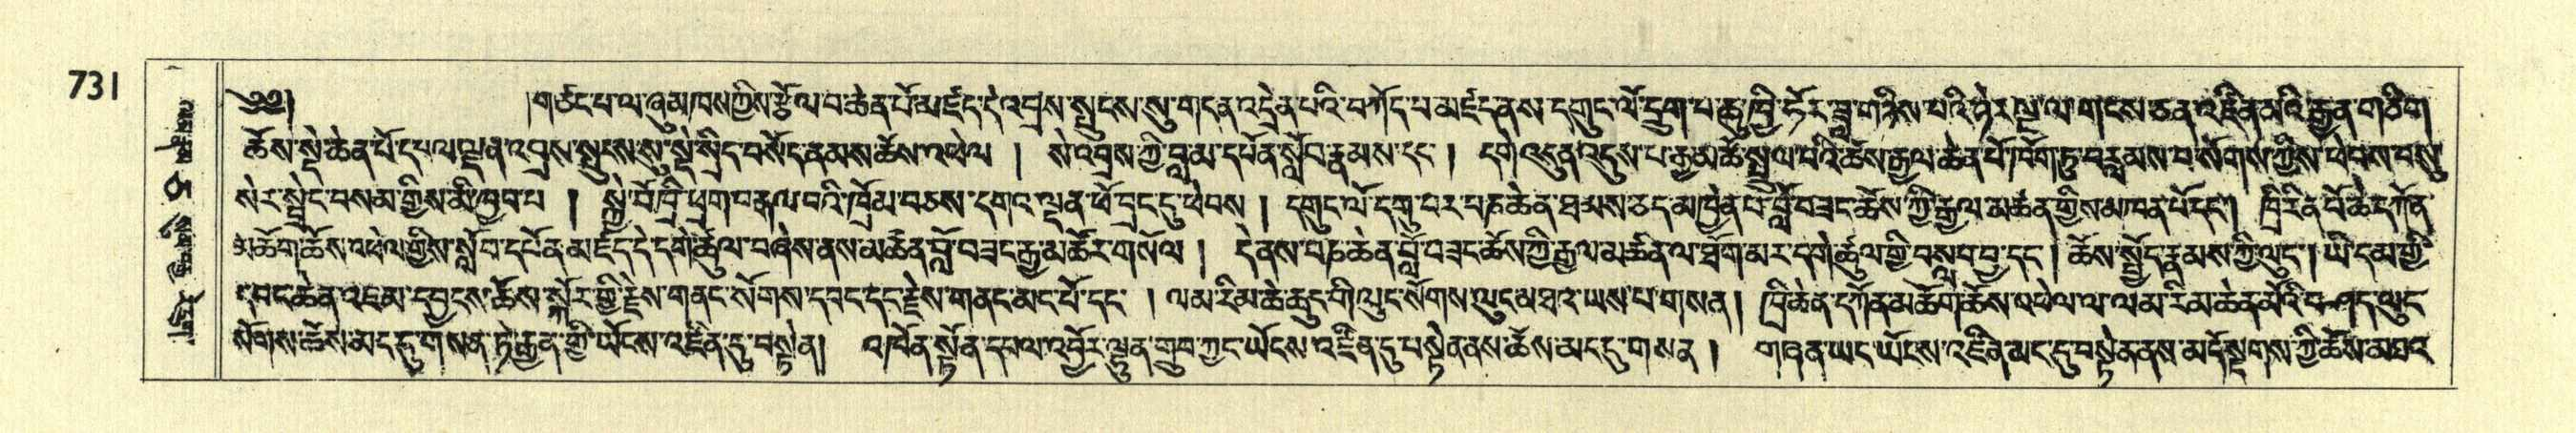༄༅། །གཙང་པ་ལ་ཞུ་མཁས་ཀྱིས་རྩོལ་བ་ཆེན་པོ་མཛད་དེ་འབྲས་སྤུངས་སུ་གདན་འདྲེན་པའི་བཀོད་པ་མཛད་ནས་དགུང་ལོ་དྲུག་པ་ཆུ་ཁྱི་ཧོར་ཟླ་གཉིས་པའི་ཉེར་ལྔ་ལ་གངས་ཅན་འཛིན་མའི་རྒྱན་གཅིག་
ཆོས་སྡེ་ཆེན་པོ་དཔལ་ལྡན་འབྲས་སྤུངས་སུ་སྡེ་སྲིད་བསོད་ནམས་ཆོས་འཕེལ། སེ་འབྲས་ཀྱི་བླ་མ་དཔོན་སློབ་རྣམས་དང་། དགེ་འདུན་འདུས་པ་རྒྱ་མཚོ་སྤྲུལ་པའི་ཆོས་རྒྱལ་ཆེན་པོ་ཁོག་ཏུ་བརླམས་བ་སོགས་ཀྱིས་ཕེབས་བསུ་
སེར་སྦྲེང་བསམ་གྱིས་མི་ཁྱབ་པ། སྐྱེ་བོ་ཁྲི་ཕྲག་བརྒལ་བའི་ཁྲོམ་བཅས་དགའ་ལྡན་ཕོ་བྲང་དུ་ཕེབས། དགུང་ལོ་དགུ་བར་པཎ་ཆེན་ཐམས་ཅད་མཁྱེན་པ་བློ་བཟང་ཆོས་ཀྱི་རྒྱལ་མཚན་གྱིས་མཁན་པོ་དང་། ཁྲི་རིན་པོ་ཆེ་དཀོན་
མཆོག་ཆོས་འཕེལ་གྱིས་སློབ་དཔོན་མཛད་དེ་དགེ་ཚུལ་བཞེས་ནས་མཚན་བློ་བཟང་རྒྱ་མཚོར་གསོལ། དེ་ནས་པཎ་ཆེན་བློ་བཟང་ཆོས་ཀྱི་རྒྱལ་མཚན་ལ་ཐོག་མར་དགེ་ཚུལ་གྱི་བསླབ་བྱ་དང་། ཆོས་སྤྱོད་རྣམས་ཀྱི་ལུང་། ཡི་དམ་གྱི་
དབང་ཆེན་འཇམ་དབྱངས་ཆོས་སྐོར་གྱི་རྗེས་གནང་སོགས་དབང་དང་རྗེས་གནང་མང་པོ་དང་། ལམ་རིམ་ཆེ་ཆུང་གི་ལུང་སོགས་ལུང་མཐའ་ཡས་པ་གསན། ཁྲི་ཆེན་དཀོན་མཆོག་ཆོས་འཕེལ་ལ་ལམ་རིམ་ཆེན་མོའི་བཤད་ལུང་
སོགས་ཆོས་མང་དུ་གསན་ཏེ་རྒྱན་གྱི་ཡོངས་འཛིན་ཏུ་བསྟེན། འཁོན་སྟོན་དཔལ་འབྱོར་ལྷུན་གྲུབ་ཀྱང་ཡོངས་འཛིན་དུ་བསྟེན་ནས་ཆོས་མང་དུ་གསན། གཞན་ཡང་ཡོངས་འཛིན་མང་དུ་བསྟེན་ནས་མདོ་སྔགས་ཀྱི་ཆོས་མཐའ་